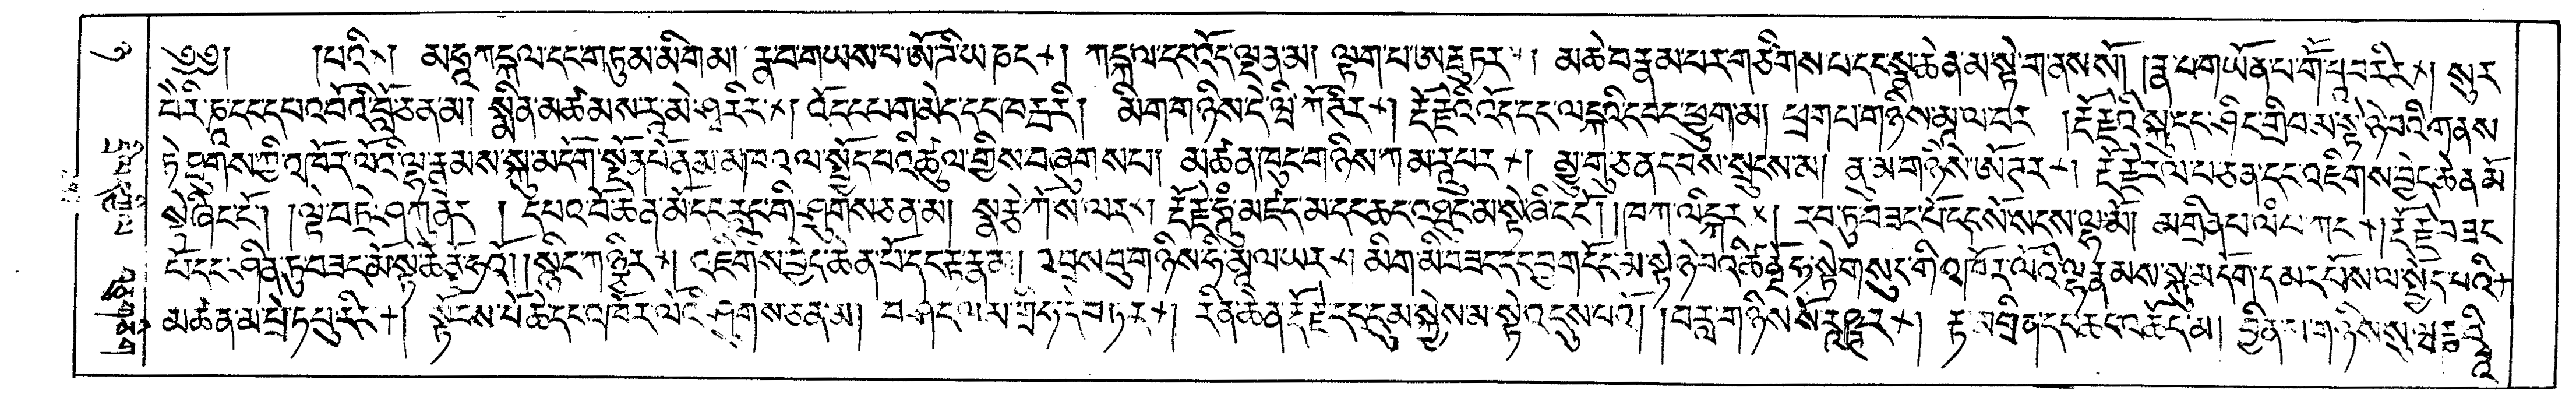༄༅། །པའི། མཧཱ་ཀངྐ་ལ་དང་གཏུམ་མིག་མ། རྣ་བ་གཡས་པ་ཨོ་ཌི་ཡ་ཎར། ཀངྐ་ལ་དང་འོད་ལྡན་མ། ལྟག་པ་ཨརྦུ་ཏར། མཆེ་བ་རྣམ་པར་གཙིགས་པ་དང་སྣ་ཆེན་མ་སྟེ་གནས་སོ། །རྣ་པ་གཡོན་པ་གཽ་དཱ་བ་རིར། སུ་ར་
བཻ་རི་ཎཱ་དང་དཔའ་བོའི་བློ་ཅན་མ། སྨིན་མཚམས་རཱ་མེ་ཤྭ་རིར། འོད་དཔག་མེད་དང་ཁ་རྦ་རི། མིག་གཉིས་དེ་ཝི་ཀོ་ཊིར། རྡོ་རྗེའི་འོད་དང་ལངྐའི་དབང་ཕྱུག་མ། ཕྲག་པ་གཉིས་མཱ་ལ་པར། རྡོ་རྗེའི་སྐུ་དང་ཤིང་གྲིབ་མ་སྟེ་ཉེ་བའི་གནས་
ཏེ་ཐུགས་ཀྱི་འཁོར་ལོའི་ལྷ་རྣམས་སྐུ་མདོག་སྔོན་པོ་ནམ་མཁའ་ལ་སྤྱོད་པའི་ཚུལ་གྱིས་བཞུགས་པ། མཆན་ཁུང་གཉིས་ཀཱ་མ་རཱུ་པར། མྱུ་གུ་ཅན་དང་ས་སྲུངས་མ། ནུ་མ་གཉིས་ཨོ་ཊར། རྡོ་རྗེ་རལ་པ་ཅན་དང་འཇིགས་བྱེད་ཆེན་མོ་
སྟེ་ཞིང་ངོ། །ལྟེ་བ་ཏྲི་ཤ་ཀུ་ཉེར། དཔའ་བོ་ཆེན་མོ་དང་རཱུང་གི་ཤུགས་ཅན་མ། སྣ་རྩེ་ཀོ་ས་ལར། རྡོ་རྗེ་ཧཱུཾ་མཛད་མ་དང་ཆང་འཐུང་མ་སྟེ་ཞིང་ངོ། །ཁ་ཀལིངྐར། རབ་ཏུ་བཟང་པོ་དང་སྔོ་སངས་ལྷ་མོ། མགྲིན་པ་ལཾ་པ་ཀར་ཤ་རྡོ་རྗེ་བཟང་
པོ་དང་ཤིན་ཏུ་བཟང་མོ་སྟེ་ཚནོད་ཧའོ། །སྙིང་ཀཉིཙར། འཇིགས་བྱེད་ཆེན་པོ་དང་རྟ་རྣམ་འབྲས་བུ་གཉིས་ཧི་མཱ་ལ་ཡར། མིག་མི་བཟང་དང་བྱ་གདོང་མ་སྟེ་ཉེ་བའི་ཚནྡོ་ཧ་སྟེ་གསུང་གི་འཁོར་ལོའི་ལྷ་རྣམས་སྐུ་མདོག་དམར་པོ་ས་ལ་སྤྱོད་པའི་
མཚན་མ་པྲེ་ཏ་པུ་རིར། སྟོབས་པོ་ཆེ་དང་འཁོར་ལོའི་ཤུགས་ཅན་མ། བཤང་ལམ་གྲི་ཧ་དེ་བཏར། རིན་ཆེན་རྡོ་རྗེ་དང་དུམ་སྐྱེས་མ་སྟེ་འདུས་པའོ། །བརླ་གཉིས་སོ་རཱཥྚ། རྟ་མགྲིན་དང་ཆང་འཚོང་མ། བྱིན་པ་གཉིས་སུ་ཝ་རྞ་དྭཱི་